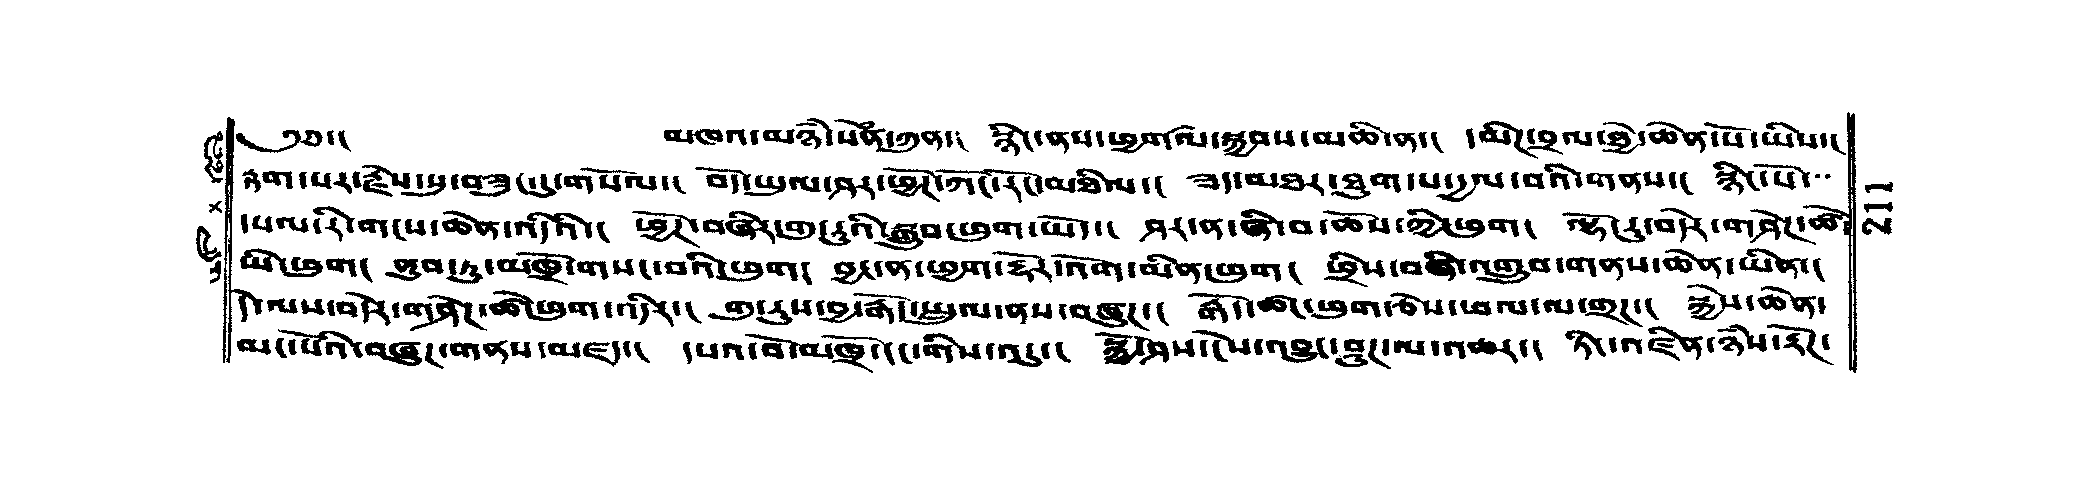མཁའ་མཉམ་སེམས་ཅན་ཀུན། །སྙིང་ནས་ཕྱག་འཚལ་སྐྱབས་སུ་མཆི། །དམིགས་བྲལ་ཐུགས་རྗེ་ཆེན་པོ་ཡིས། །
རྟག་པར་རྗེས་སུ་བཟུང་དུ་གསོལ། །བོད་ཡུལ་ཤར་ཕྱོགས་ཀོང་རོང་མཐིལ། །ཟད་མཐར་ཐུག་པ་རྒྱལ་བའི་གནས། །སྙིང་པོ་
དཔལ་རི་གངས་ཅན་འདིའི། །ཕྱོགས་བཞིར་གུ་རུའི་སྒྲུབ་ཕུག་ཡོད། །ཤར་ན་ཞི་བ་ཆོས་ཀྱི་ཕུག། ལྷེ་རུ་བདེ་གཤེགས་ཚེ་
ཡི་ཕུག ནུབ་ཏུ་མཁའ་འགྲོ་གསང་བའི་ཕུག བྱང་ན་ཕྱག་རྡོར་འོག་མིན་ཕུག ཕྲིན་ལས་བཞི་འགྲུབ་གནས་ཆེན་ཡིན། །
དེ་ལས་བདེ་གཤེགས་ཚེ་ཕུག་འདི། །གུ་རུས་བྱ་རྒོད་སྤྲུལ་ནས་བཞུགས། །རྒོད་ཚང་ཕུག་ཅེས་ཕལ་ལ་གྲགས། །སྐྱེས་ཆེན་
མང་པོའི་བཞུགས་གནས་མཛད། །དཔའ་བོ་མཁའ་འགྲོ་ངང་གིས་འདུ། །སྐྱོ་ཤས་ངེས་འབྱུང་ཤུགས་ལ་འཆར། །ཏིང་འཛིན་ཉམས་རྟོགས་